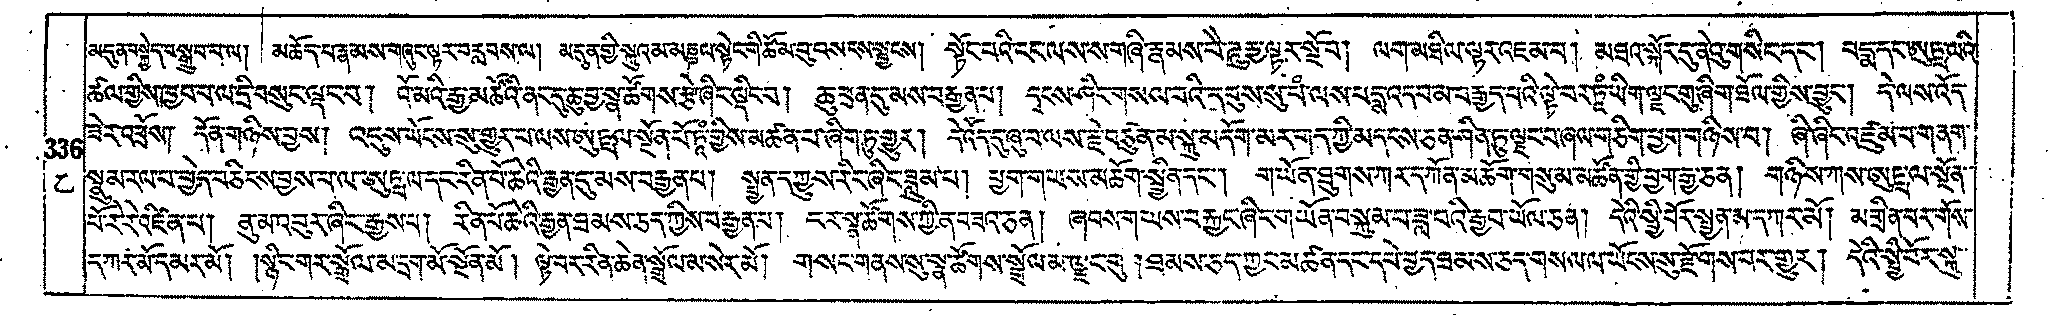མདུན་བསྐྱེད་བསྒྲུབ་པ་ལ། མཆོད་པ་རྣམས་གཞུང་ལྟར་བརླབས་ལ། མདུན་གྱི་སྐུའམ་མཎྜལ་སྟེང་གི་ཚོམ་བུ་བསངས་སྦྱངས། སྟོང་པའི་ངང་ལས་ས་གཞི་རྣམས་བཻ་ཌཱུ་རྱ་ལྟར་སྔོ་བ། ལག་མཐིལ་ལྟར་འཇམ་པ། མཐའ་སྐོར་དུ་ནེའུ་གསིང་དང་། པདམ་དང་ཨུཏྤ་ལའི་
ཚལ་གྱིས་ཁྱབ་པ་ལ་དྲི་བསུང་ལྡང་བ། འོ་མའི་རྒྱ་མཚོའི་ནང་དུ་ཆུ་བྱ་སྣ་ཚོགས་རྩེ་ཞིང་ལྡིང་བ། ཆུ་ཕྲན་དུ་མས་བརྒྱན་པ། དྭངས་ཤིང་གསལ་བའི་དབུས་སུ་པཾ་ལས་པདམ་འདབ་མ་བརྒྱད་པའི་ལྟེ་བར་ཏཱཾ་ཡིག་ལྗང་གུ་ཞིག་ཐོལ་གྱིས་བྱུང་། དེ་ལས་འོད་
ཟེར་འཕྲོས། དོན་གཉིས་བྱས། འདུས་ཡོངས་སུ་གྱུར་པ་ལས་ཨུཏྤལ་སྔོན་པོ་ཏཱཾ་གྱིས་མཚན་པ་ཞིག་ཏུ་གྱུར། དེ་འོད་དུ་ཞུ་བ་ལས་རྗེ་བཙུན་མ་སྐུ་མདོག་མར་གད་ཀྱི་མདངས་ཅན་ཤིན་ཏུ་ལྗང་བ་ཞལ་གཅིག་ཕྱག་གཉིས་པ། ཞི་ཞིང་འཛུམ་པ་གནག་
སྣུམ་རལ་པ་ཕྱེད་བཅིངས་བྱས་པ་ལ་ཨུཏྤ་ལ་དང་རིན་པོ་ཆེའི་རྒྱན་དུ་མས་བརྒྱན་པ། སྤྱན་དཀྱུས་རིང་ཞིང་ཟླུམ་པ། ཕྱག་གཡས་མཆོག་སྦྱིན་དང་། གཡོན་ཐུགས་ཀར་དཀོན་མཆོག་གསུམ་མཚོན་གྱི་ཕྱག་རྒྱ་ཅན། གཉིས་ཀས་ཨུཏྤ་ལ་སྔོན་
པོ་རེ་རེ་འཛིན་པ། ནུ་མ་འབུར་ཞིང་རྒྱས་པ། རིན་པོ་ཆེའི་རྒྱན་ཐམས་ཅད་ཀྱིས་བརྒྱན་པ། ངར་སྣ་ཚོགས་ཀྱི་ན་བཟའ་ཅན། ཞབས་གཡས་བརྐྱང་ཞིང་གཡོན་བསྐུམ་པ་ཟླ་བའི་རྒྱབ་ཡོལ་ཅན། དེའི་སྤྱི་བོར་སྤྱན་མ་དཀར་མོ། མགྲིན་པར་གོས་
དཀར་མོ་དམར་མོ། །སྙིང་གར་སྒྲོལ་མ་དྲག་མོ་སྔོན་མོ། ལྟེ་བར་རིན་ཆེན་སྒྲོལ་མ་སེར་མོ། གསང་གནས་སུ་སྣ་ཚོགས་སྒྲོལ་མ་ལྗང་གུ །ཐམས་ཅད་ཀྱང་མཚན་དང་དཔེ་བྱད་ཐམས་ཅད་གསལ་ལ་ཡོངས་སུ་རྫོགས་པར་གྱུར། དེའི་སྤྱི་བོར་སྐུ་